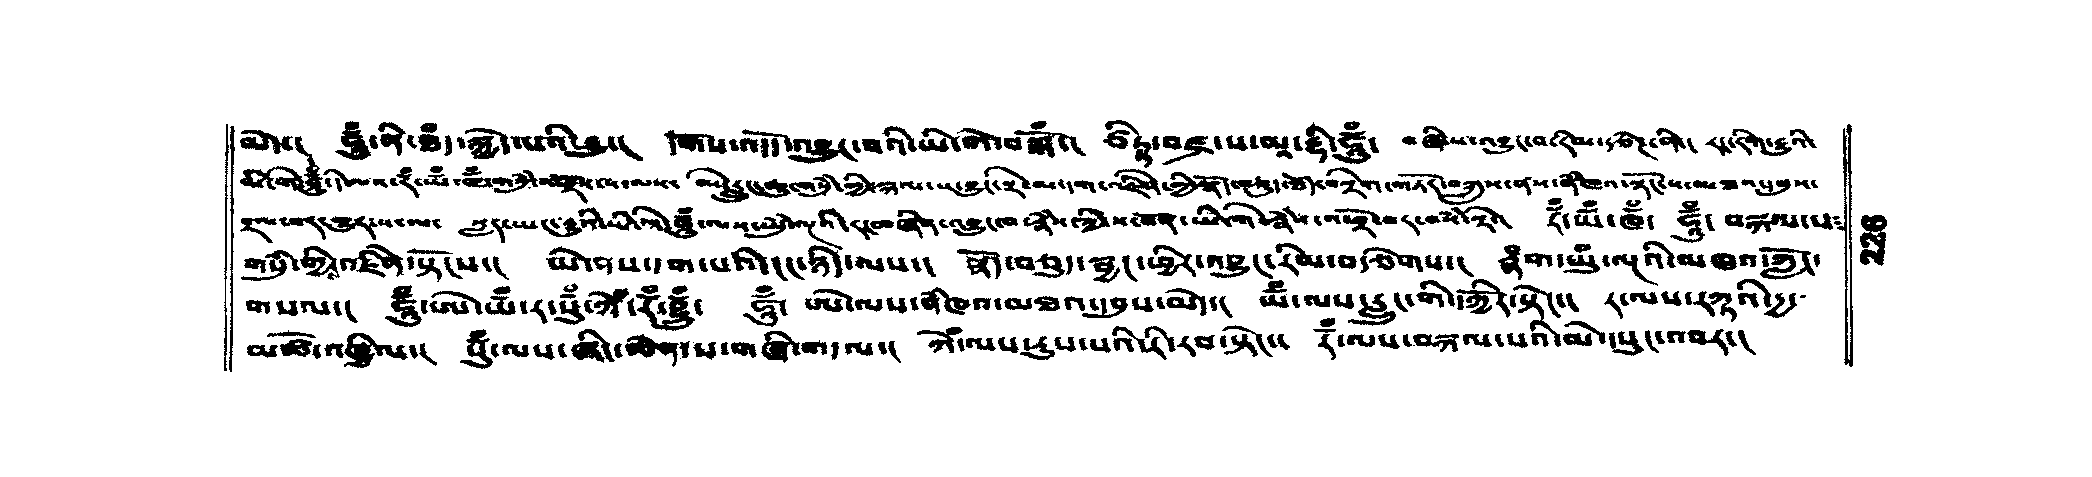མེད། །ཧཱུྃ་ནི་ཐམས་ཅད་སྐྱེད་པའི་རྒྱུ། །དགོས་འདོད་འབྱུང་བའི་ཡི་གེ་བསྒོམ། །ཙཏྟ་བཛྲ་ས་མཱ་དྷི་ཧཱུྃ། བཞི་པ་འབྱུང་བ་རིམ་བརྩེགས་ནི། རང་རིག་རྒྱུའི་
ཡི་གེ་ཧཱུྃ་ལས་རྃ་ཡྃ་ཁྃ་གསུམ་འཕྲོས་པ་ལས། མེ་རླུང་ཆུ་གསུམ་གྱི་སྐལ་པ་བྱུང་སྟེ་མ་དག་འཇིག་རྟེན་གྱི་སྣོད་བཅུད་ཐམས་ཅད་བསྲེག་གཏོར་བཀྲུས་ནས་ནམ་མཁའ་སྟོང་པ་མཐའ་དབུས་
བྲལ་བར་གྱུར་པ་ལས། སླར་ཡང་རྒྱུའི་ཡི་གེ་ཧཱུྃ་ལས་ཡུམ་ལྔའི་རང་བཞིན་འབྱུང་བ་རྣམས་ཀྱི་ས་བོན་རྣམས་འཕྲོ་བར་བསམ་སྟེ། རྃ་ཡྃ་ཁྃ། ཧཱུྃ། བསྐལ་པ་
གསུམ་གྱི་འཇིག་རྟེན་སྟོངས། །ཡེ་ནས་དག་པའི་ངང་ཉིད་ལས། །སྣོད་བཅུད་སྦྱང་ཕྱིར་འབྱུང་རིམ་བརྩེགས། །རྣམ་དག་ཡུམ་ལྔའི་མཁའ་ཀློང་
གསལ། ཧཱུྃ་ཨེ་ཡྃ་ར་སུྃ་ཀེཾ་རྃ་བྷྲུྃ། ཧཱུྃ། ཨེ་ལས་ནམ་མཁའ་མཐའ་དབུས་མེད། །ཡྃ་ལས་རླུང་གི་དཀྱིལ་འཁོར་སྟེང་། །ར་ལས་རཀྟའི་རྒྱ་
མཚོ་འཁྱིལ། །སུྃ་ལས་ཞིང་ཆེན་ས་གཞི་གདལ། །ཀེཾ་ལས་རུས་པའི་རི་རབ་སྟེང་། །རྃ་ལས་བསྐལ་པའི་མེ་དཔུང་འབར། །